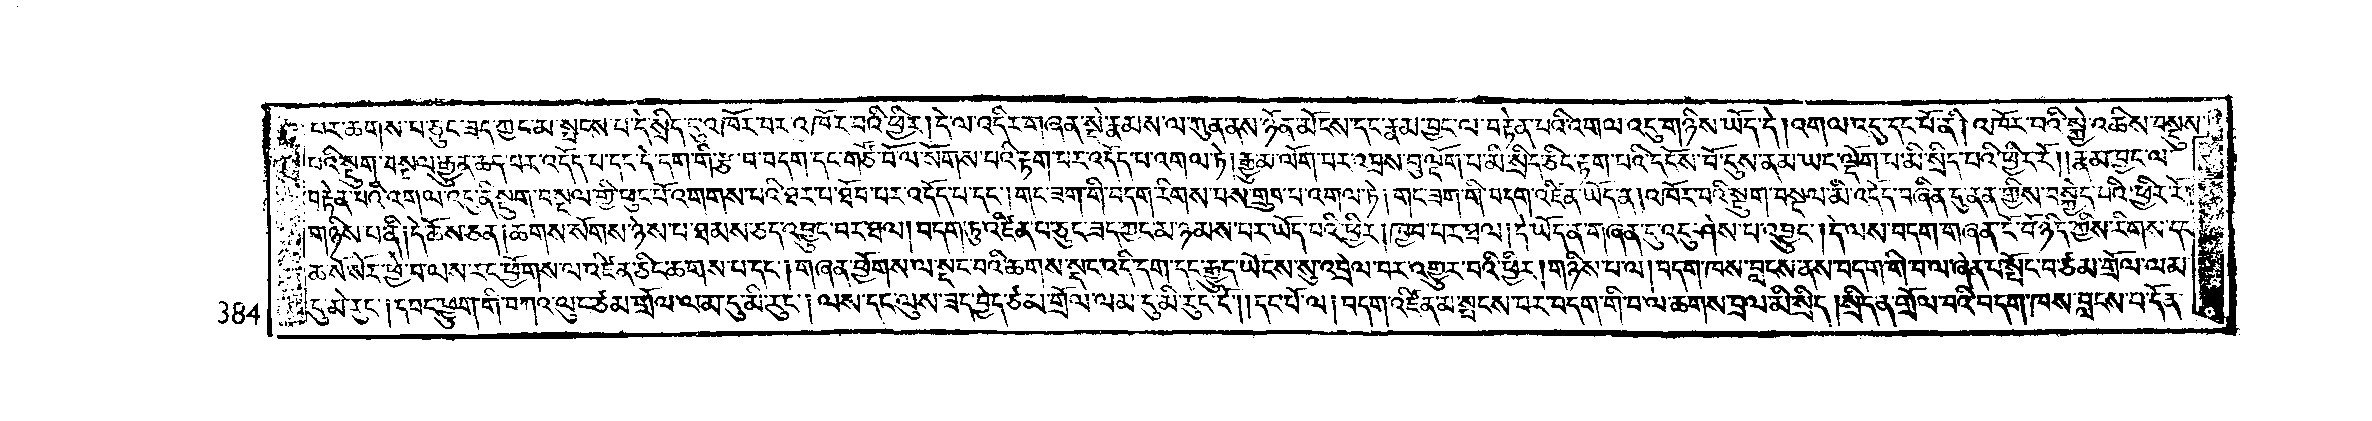པར་ཆགས་པ་ཅུང་ཟད་ཀྱང་མ་སྤངས་པ་དེ་སྲིད་དུ་འཁོར་བར་འཁོར་བའི་ཕྱིར། དེ་ལ་འདིར་གཞན་སྡེ་རྣམས་ལ་ཀུན་ནས་ཉོན་མོངས་དང་རྣམ་བྱང་ལ་བརྟེན་པའི་འགལ་འདུ་གཉིས་ཡོད་དེ། འགལ་འདུ་དང་པོ་ནི། འཁོར་བའི་སྐྱེ་འཆིས་བསྡུས་
པའི་སྡུག་བསྔལ་རྒྱུན་ཆད་པར་འདོད་པ་དང་དེ་དག་གི་རྩ་བ་བདག་དང་གཙོ་བོ་ལ་སོགས་པའི་རྟག་པར་འདོད་པ་འགལ་ཏེ། རྒྱུ་མ་ལོག་པར་འབྲས་བུ་ལྡོག་པ་མི་སྲིད་ཅིང་རྟག་པའི་དངོས་པོ་དུས་ནམ་ཡང་ལྡོག་པ་མི་སྲིད་པའི་ཕྱིར་རོ། །རྣམ་བྱང་ལ་
བརྟེན་པའི་འགལ་འདུ་ནི་སྡུག་བསྔལ་གྱི་ཕུང་པོ་འགགས་པའི་ཐར་པ་ཐོབ་པར་འདོད་པ་དང་། གང་ཟག་གི་བདག་རིགས་པས་གྲུབ་པ་འགལ་ཏེ། གང་ཟག་གི་བདག་འཛིན་ཡོད་ན། འཁོར་བའི་སྡུག་བསྔལ་མི་འདོད་བཞིན་དུ་ནན་གྱིས་བསྐྱེད་པའི་ཕྱིར་རོ།
གཉིས་པ་ནི། དེ་ཆོས་ཅན། ཆགས་སོགས་ཉེས་པ་ཐམས་ཅད་འབྱུང་བར་ཐལ། བདག་ཏུ་འཛིན་པ་ཅུང་ཟད་ཀྱང་མ་ཉམས་པར་ཡོད་པའི་ཕྱིར། ཁྱབ་པར་ཐལ། དེ་ཡོད་ན་གཞན་དུ་འདུ་ཤེས་པ་འབྱུང་། དེ་ལས་བདག་གཞན་ངོ་བོ་ཉིད་ཀྱིས་རིགས་དང་
ཆ་སོ་སོར་ཕྱེ་བ་ལས་རང་ཕྱོགས་ལ་འཛིན་ཅིང་ཆགས་པ་དང་། གཞན་ཕྱོགས་ལ་སྡང་བའི་ཆགས་སྡང་འདི་དག་དང་རྒྱུད་ཡོངས་སུ་འབྲེལ་བར་འགྱུར་བའི་ཕྱིར། གཉིས་པ་ལ། བདག་ཁས་བླངས་ནས་བདག་གི་བ་ལ་ཞེན་པ་སྤོང་བ་ཙམ་གྲོལ་ལམ་
དུ་མི་རུང་། དབང་ཕྱུག་གི་བཀའ་ལུང་ཙམ་གྲོལ་ལམ་དུ་མི་རུང་། ལས་དང་ལུས་ཟད་བྱེད་ཙམ་གྲོལ་ལམ་དུ་མི་རུང་ངོ། །དང་པོ་ལ། བདག་འཛིན་མ་སྤངས་པར་བདག་གི་བ་ལ་ཆགས་བྲལ་མི་སྲིད། སྲིད་ན་གྲོལ་བའི་བདག་ཁས་བླངས་པ་དོན་